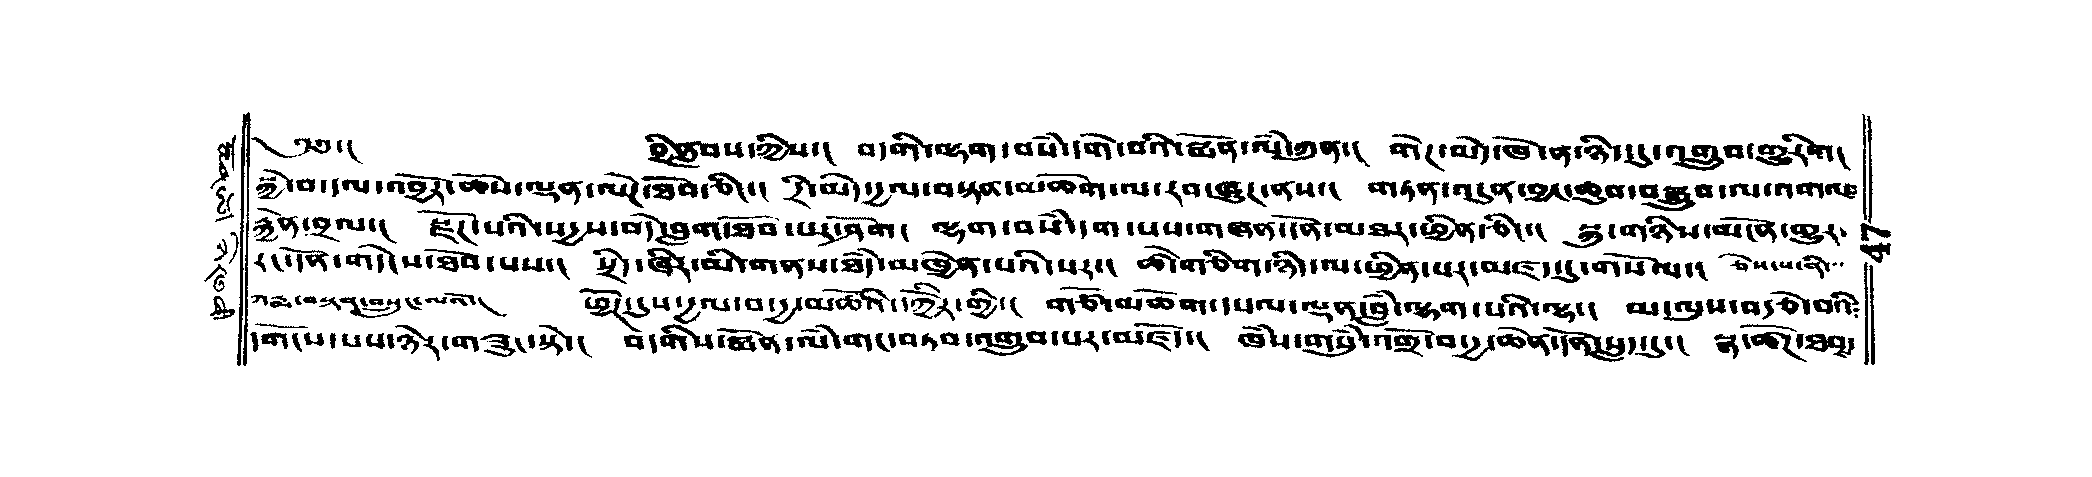བྱིན་རླབས་ཀྱིས། །བདག་གི་ལྷག་བསམ་དགེ་བའི་སྨོན་ལམ་ཀུན། །གེགས་མེད་ཁོ་ན་ཉིད་དུ་འགྲུབ་གྱུར་ཅིག །
སྐྱེ་བར་དལ་འབྱོར་ཆོས་ལྡན་ལེགས་ཐོབ་ཅིང་། །དྲི་མེད་རྒྱལ་བསྟན་མཆོག་ལ་རབ་ཞུགས་ནས། །གཏན་འདུན་བྱང་ཆུབ་བསྒྲུབ་ལ་འགལ་
རྐྱེན་བྲལ། །རྫོགས་པའི་སངས་རྒྱས་བདེ་བླག་ཐོབ་པར་ཤོག །ལྷག་བསམ་དག་པས་གཞན་དོན་མཐར་ཕྱིན་ཅིང་། །སྐུ་གཉིས་མངོན་གྱུར་
རང་དོན་གདེངས་ཐོབ་པས། །སྲིད་ཞིར་མི་གནས་ཐམས་ཅད་མཁྱེན་པའི་སར། །ཚེ་གཅིག་ཉིད་ལ་ཕྱིན་པར་མཛད་དུ་གསོལ། ཅེས་པ་ནི་
ཀརྨ་བསྟན་སྲུང་ལའོ།། ཕྱོགས་དུས་རྒྱལ་བ་རྒྱ་མཚོའི་དཀྱིལ་འཁོར་གྱི། །གཙོ་མཆོག་དཔལ་ལྡན་བླ་མ་ལྷག་པའི་ལྷ། །མ་ལུས་བརྩེ་བའི་
དགོངས་པས་ཉེར་བཟུང་སྟེ། །བདག་གིས་སྨོན་ལམ་གང་བཏབ་འགྲུབ་པར་མཛོད། །ཁམས་གསུམ་འགྲོ་བ་རྒྱ་ཆེན་དོན་སླད་དུ། །སྣ་ཚོགས་ཐབས་